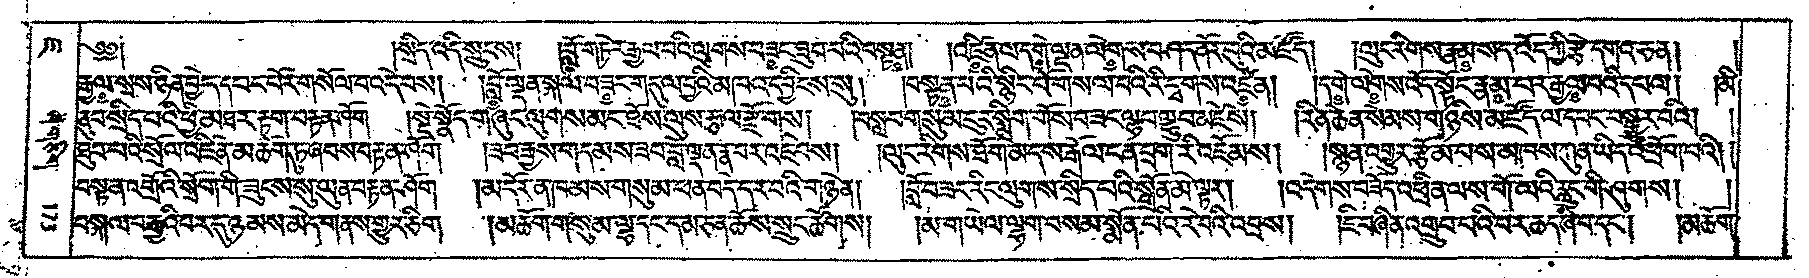༄༅། །སྲིད་འདི་སྲུངས། །བློ྾་གཏེར་རྒྱལ་བའི་ལུགས་བཟང྾་ཐུབ་པའི་བསྟན྾། །འཛིན྾་ལ་དགེ྾་ལྡན་ལེགས་བཤད་ནོར་བུའི་མཛོད། །ལུང་རིགས་རྣམ྾་སད་འོད་ཀྱི་རྩེ་དགའ་ཅན། །
རྒྱལ྾་སྲས་ཉིན་བྱེད་དབང་པོར་གསོལ་བ་འདེབས། །བློ྾་ལྡན་སྐལ་བཟང྾་གདུལ་བྱའི་མཁའ་དབྱིངས་སུ། །བསྟན྾་པའི་སྙིང་པོ་གསལ་བའི་རི་དྭགས་འཛིན྾། །དགེ྾་ལེགས་འོད་སྟོང་རྣམ྾་པར་རྒྱལ྾་བའི་དཔལ། །མི་
ནུབ་སྲིད་པའི་ཕྱི་མཐར་རྟག་བརྟན་ཤོག །སྡེ་སྣོད་གཞུང་ལུགས་མང་ཐོས་ལུས་རྩལ་རྫོགས། །བསླབ་གསུམ་ངུར་སྨྲིག་གོས་བཟང་ལྷབ་ལྷུབ་མཛེས། །རིན་ཆེན་སེམས་གཉིས་མཛོད་ལ་དབང་བསྒྱུར་བའི། །
ཐུབ་པའི་སྲོལ་འཛིན་མཆོག་ཏུ་ཞབས་བརྟན་ཤོག །ཟབ་རྒྱས་གདམས་ཟབ་བློ་ལྡན་རྣ་བར་འཇིབས། །ལུང་རིགས་ཐོག་མདས་རྒོལ་ངན་བྲག་རི་འཇོམས། །སྙན་འགྱུར་རྩོམ་པས་མཁས་ཀུན་ཡིད་འཕྲོག་པའི། །
བསྟན་འགྲོའི་སྲོག་གི་ཟུངས་སུ་ཡུན་བརྟན་ཤོག །མདོར་ན་ཁམས་གསུམ་ཕན་བདེ་དར་བའི་གཉེན། །བློ་བཟང་རིང་ལུགས་སྲིད་པའི་སྒྲོན་མེ་ལྟར། །འདེགས་བཟོད་འཕྲིན་ལས་གོ་ལའི་རླུང་གི་ཤུགས། །
བསྐལ་བརྒྱའི་བར་དུ་ཉམས་མེད་གནས་གྱུར་ཅིག །མཆོག་གསུམ་ལྷ་དང་དམ་ཅན་ཆོས་སྲུང་ཚོགས། །མ་གཡེལ་ལྷག་བསམ་སྨོན་པའི་རེ་བའི་འབྲས། །ཇི་བཞིན་འགྲུབ་པའི་བར་ཆད་ཞི་བ་དང་། །མཆོག་